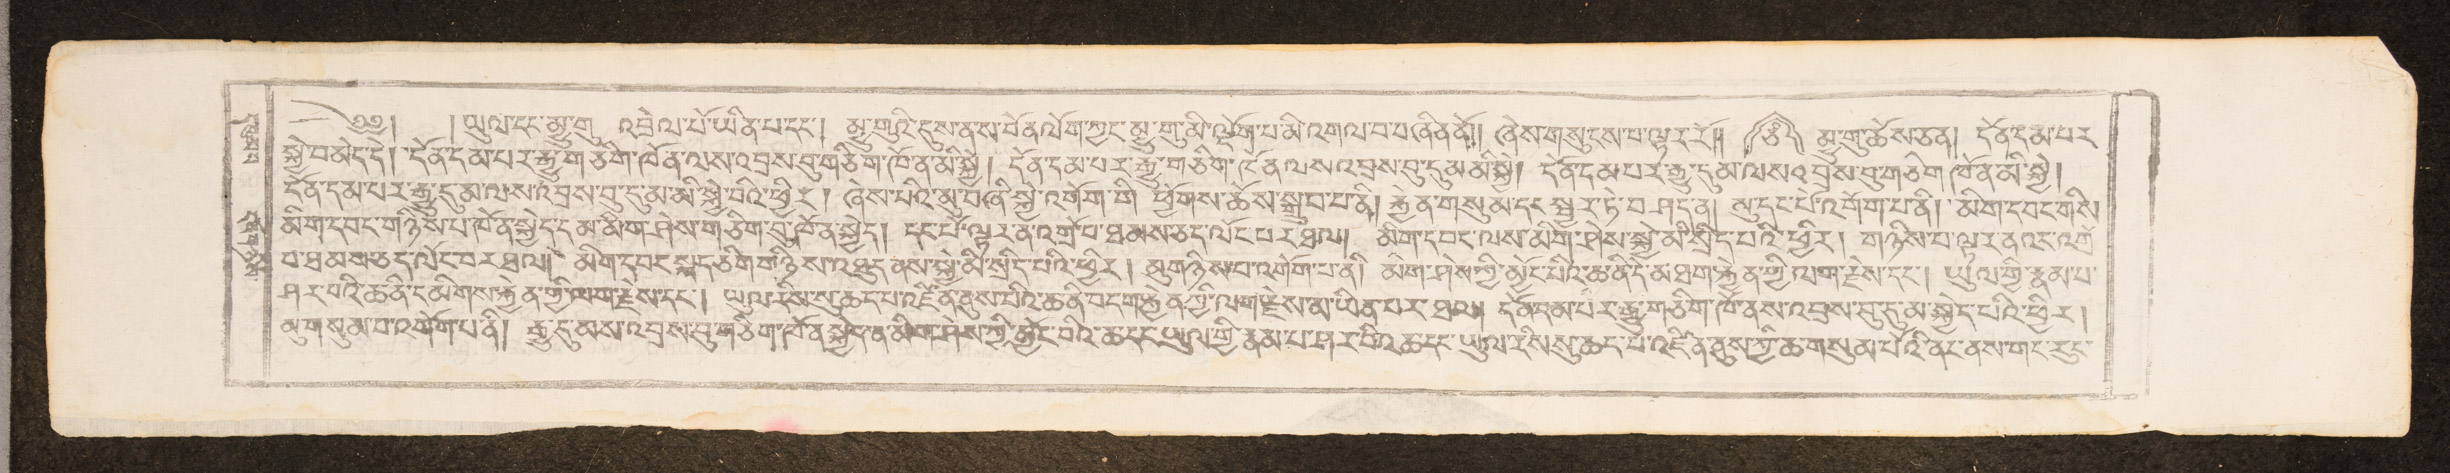༄༅། །ཡུལ་དང་མྱུ་གུ་འབྲེལ་པོ་ཡིན་པ་དང་། མྱུ་གུའི་དུས་ན་ས་བོན་ལོག་ཀྱང་མྱུ་གུ་མི་ལྡོག་པ་མི་འགལ་བ་བཞིན་ནོ།། ཞེས་གསུངས་པ་ལྟར་རོ། ༼༽ཙ༼༽ མྱུ་གུ་ཆོས་ཅན། དོན་དམ་པར་
སྐྱེ་བ་མེད་དེ། དོན་དམ་པར་རྒྱུ་གཅིག་ཁོ་ན་ལས་འབྲས་བུ་གཅིག་ཁོ་ན་མི་སྐྱེ། དོན་དམ་པར་རྒྱུ་གཅིག་ཁོ་ན་ལས་འབྲས་བུ་དུ་མ་མི་སྐྱེ། དོན་དམ་པར་རྒྱུ་དུ་མ་ལས་འབྲས་བུ་གཅིག་ཁོ་ན་མི་སྐྱེ།
དོན་དམ་པར་རྒྱུ་དུ་མ་ལས་འབྲས་བུ་དུ་མ་མི་སྐྱེ་བའི་ཕྱིར། ཞེས་པའི་མུ་བཞི་སྐྱེ་འགོག་གི་ཕྱོགས་ཆོས་སྒྲུབ་པ་ནི། རྐྱེན་གསུམ་དང་སྦྱར་ཏེ་བཤད་ན། མུ་དང་པོ་འགོག་པ་ནི། མིག་དབང་གིས་
མིག་དབང་གཉིས་པ་ཁོ་ན་སྐྱེད་དམ་མིག་ཤེས་གཅིག་བུ་ཁོ་ན་སྐྱེད། དང་པོ་ལྟར་ན་འགྲོ་བ་ཐམས་ཅད་ལོང་བར་ཐལ། མིག་དབང་ལས་མིག་ཤེས་སྐྱེ་མི་སྲིད་པའི་ཕྱིར། གཉིས་པ་ལྟར་ན་འང་འགྲོ་
པ་ཐམས་ཅད་ལོང་བར་ཐལ། མིག་དབང་སྐད་ཅིག་གཉིས་འཐུད་ནས་སྐྱེ་མི་སྲིད་པའི་ཕྱིར། མུ་གཉིས་པ་འགོག་པ་ནི། མིག་ཤེས་ཀྱི་མྱོང་བའི་ཆ་ནི་དེ་མ་ཐག་རྐྱེན་གྱི་ལག་རྗེས་དང་། ཡུལ་གྱི་རྣམ་པ་
ཤར་བའི་ཆ་ནི་དམིགས་རྐྱེན་གྱི་ལག་རྗེས་དང་། ཡུལ་རིས་སུ་ཆད་པ་འཛིན་ནུས་པའི་ཆ་ནི་བདག་རྐྱེན་ཀྱི་ལག་རྗེས་མ་ཡིན་པར་ཐལ། དོན་དམ་པར་རྒྱུ་གཅིག་ཁོ་ནས་འབྲས་བུ་དུ་མ་སྐྱེད་པའི་ཕྱིར།
མུ་གསུམ་པ་འགོག་པ་ནི། རྒྱུ་དུ་མས་འབྲས་བུ་གཅིག་ཁོ་ན་སྐྱེད་ན་མིག་ཤེས་ཀྱི་མྱོང་བའི་ཆ་དང་ཡུལ་གྱི་རྣམ་པ་ཤར་བའི་ཆ་དང་ཡུལ་རིས་སུ་ཆད་པ་འཛིན་ནུས་ཀྱི་ཆ་གསུམ་པོའི་ནང་ནས་གང་རུང་